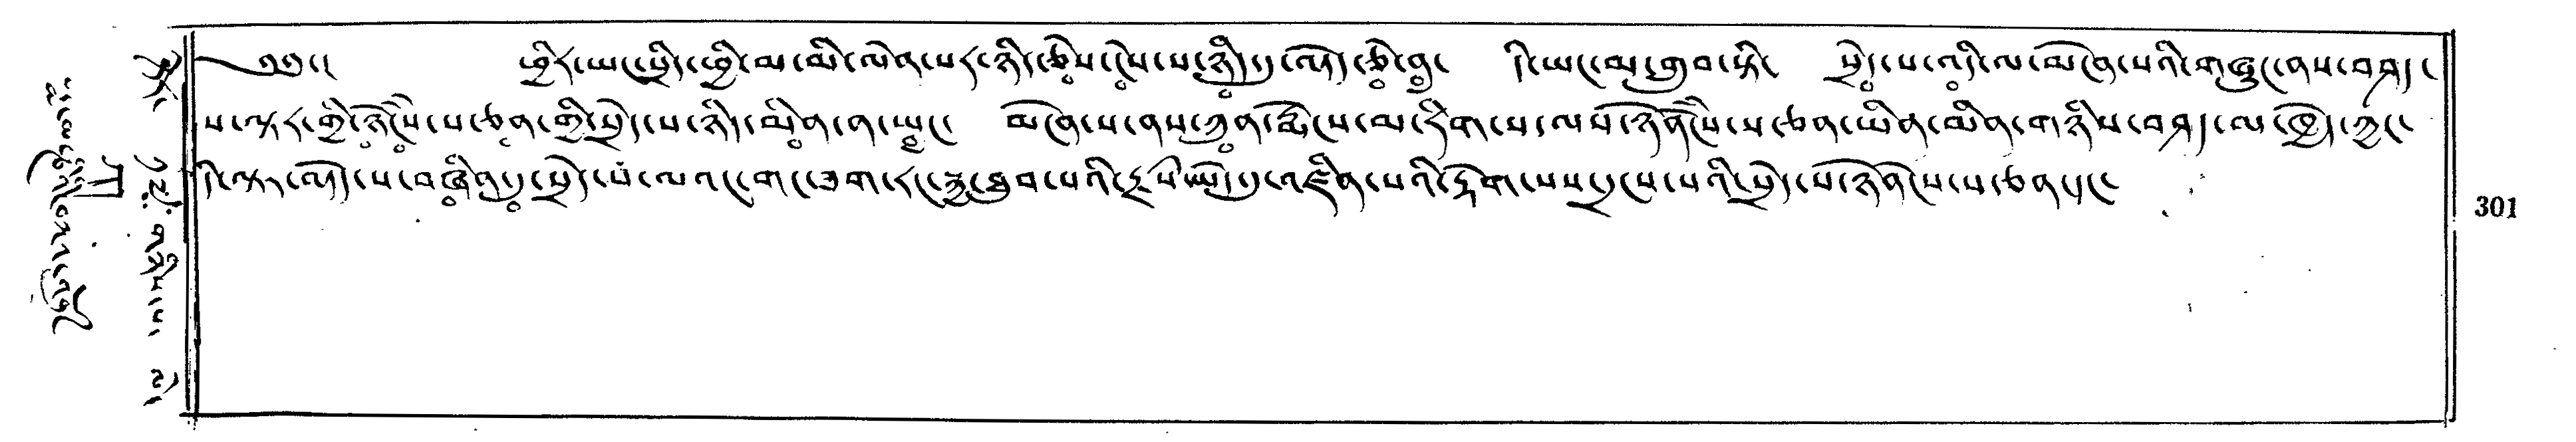ཕྱིར་ཡང་སྲིད་ཕྱི་མ་མི་ལེན་པར་ཉིད་ཅེས་ངེས་པ་ཉིད་དུ་འདོད་ཅེ་ན། དེ་ཡང་མ་གྲུབ་སྟེ། སྲེད་པ་འདི་ལ་མངོན་པའི་གཞུང་ནས་བཤད་
པ་ལྟར་གྱི་ཉོན་མོངས་པ་ཅན་གྱི་སྲེད་པ་ཉིད་མིན་ན་ཡང་། མངོན་པ་ནས་ཀུན་རྨོངས་མ་རིག་པ་ལས་ཉོན་མོངས་པ་ཅན་ཡིན་མིན་གཉིས་བཤད་ལ་ཁྱོད་ཀྱང་
དེ་ལྟར་འདོད་པ་བཞིན་དུ་སྲེད་པ་ལའང་གང་ཟག་རང་རྐྱ་ཐུབ་པའི་རྫས་ཡོད་དུ་འཛིན་པའི་རྟོག་པས་དྲངས་པའི་སྲེད་པ་ཉོན་མོངས་པ་ཅན་དང་